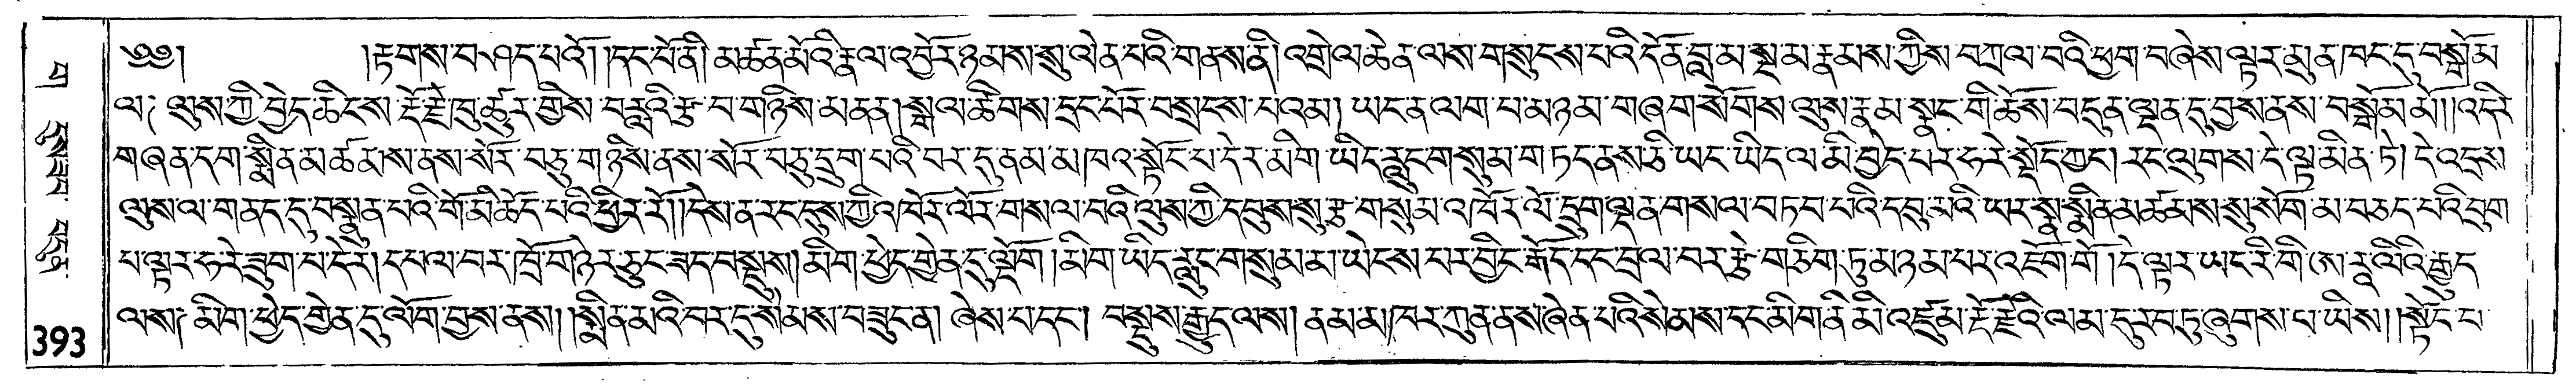༄༅། །རྟགས་བཤད་པའོ། །དང་པོ་ནི། མཚན་མོའི་རྣལ་འབྱོར་ཉམས་སུ་ལེན་པའི་གནས་ནི། འགྲེལ་ཆེན་ལས་གསུངས་པའི་དོན་བླ་མ་སྔ་མ་རྣམས་ཀྱིས་བཀྲལ་བའི་ཕྱག་བཞེས་ལྟར་མུན་ཁང་དུ་བསྒོམ་
ལ། ལུས་ཀྱི་བྱེད་ཆིངས་རྡོ་རྗེ་ཁུ་ཚུར་གྱིས་བརླའི་རྩ་བ་གཉིས་མནན། སྒལ་ཚིགས་དྲང་པོར་བསྲངས་པའམ། ཡང་ན་ལག་པ་མཉམ་གཞག་སོགས་ལུས་རྣམ་སྣང་གི་ཆོས་བདུན་ལྡན་དུ་བྱས་ནས་བསྒོམ་མོ། །འདིར་
གཞན་དག་སྨིན་མཚམས་ནས་སོར་བཅུ་གཉིས་ནས་སོར་བཅུ་དྲུག་པའི་བར་དུ་ནམ་མཁའ་སྟོང་པ་དེར་མིག་ཡིད་རླུང་གསུམ་གཏད་ནས་ཅི་ཡང་ཡིད་ལ་མི་བྱེད་པར་ཧ་རེ་སྡོད་ཀྱང་། རང་ལུགས་དེ་ལྟ་མིན་ཏེ། དེ་འདྲས་
ལུས་ལ་གནད་དུ་བསྣུན་པའི་གོ་མི་ཆོད་པའི་ཕྱིར་རོ། །དེས་ན་རང་དུས་ཀྱི་འཁོར་ལོར་གསལ་བའི་ལུས་ཀྱི་དབུས་སུ་རྩ་གསུམ་འཁོར་ལོ་དྲུག་ལྡན་གསལ་བཏབ་པའི་དབུ་མའི་ཡར་སྣ་སྨིན་མཚམས་སུ་སོག་མ་བཅད་པའི་བུག་
པ་ལྟར་ཧ་རེ་ཟུག་པ་དེར། དཔལ་བར་ཁྲོ་གཉེར་ཅུང་ཟད་བསྡུས། མིག་ཕྱེད་གྱེན་དུ་ལྡོག །མིག་ཡིད་རླུང་གསུམ་མ་ཡེངས་པར་བྱིང་རྒོད་དང་བྲལ་བར་རྩེ་གཅིག་ཏུ་མཉམ་པར་འཇོག་གོ །དེ་ལྟར་ཡང་རི་གི་ཨ་རཱ་ལིའི་རྒྱུད་
ལས། མིག་ཕྱེད་གྱེན་དུ་ལོག་བྱས་ནས། །སྨིན་མའི་བར་དུ་སེམས་བཟུང་ན། ཞེས་པ་དང་། བསྡུས་རྒྱུད་ལས། ནམ་མཁར་ཀུན་ནས་ཞེན་པའི་སེམས་དང་མིག་ནི་མི་འཛུམ་རྡོ་རྗེའི་ལམ་དུ་རབ་ཏུ་ཞུགས་པ་ཡིས། །སྟོང་པ་